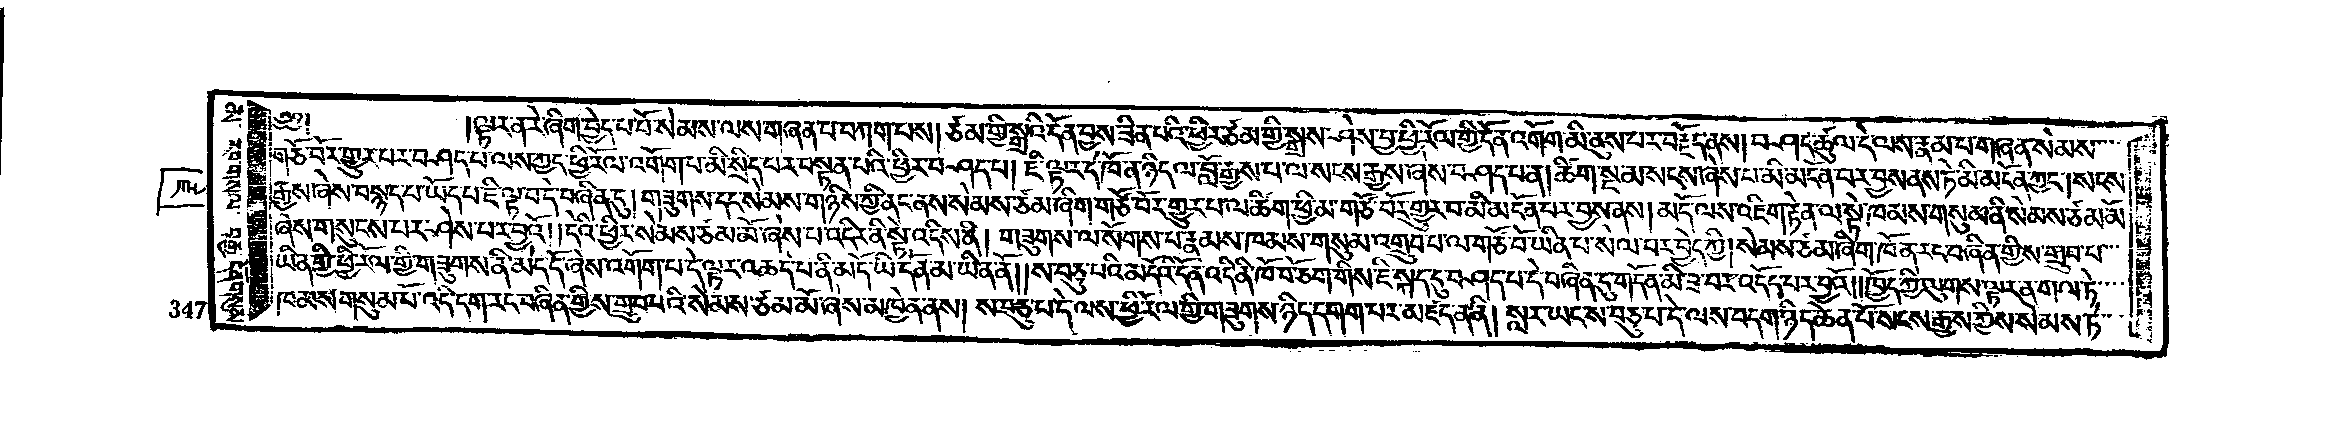༄༅། །ལྟར་ན་རེ་ཞིག་བྱེད་པ་པོ་སེམས་ལས་གཞན་པ་བཀག་པས། ཙམ་གྱི་སྒྲའི་དོན་བྱས་ཟིན་པའི་ཕྱིར་ཙམ་གྱི་སྒྲས་ཤེས་བྱ་ཕྱི་རོལ་གྱི་དོན་འགོག་མི་ནུས་པར་བརྗོད་ནས། བཤད་ཚུལ་དེ་ལས་རྣམ་པ་གཞན་སེམས་
གཙོ་བོར་གྱུར་པར་བཤད་པ་ལས་ཀྱང་ཕྱི་རོལ་འགོག་པ་མི་སྲིད་པར་བསྟན་པའི་ཕྱིར་བཤད་པ། ཇི་ལྟར་དེ་ཁོ་ན་ཉིད་ལ་བློ་རྒྱས་པ་ལ་སངས་རྒྱས་ཞེས་བཤད་པ་ན། ཚིག་སྔ་མ་སངས་ཞེས་པ་མི་མངོན་བར་བྱས་ནས་ཏེ་མི་མངོན་ཀྱང་། སངས་
རྒྱས་ཞེས་བསྙད་པ་ཡོད་པ་ཇི་ལྟ་བ་དེ་བཞིན་དུ། གཟུགས་དང་སེམས་གཉིས་ཀྱི་ནང་ནས་སེམས་ཙམ་ཞིག་གཙོ་བོར་གྱུར་པ་ལ་ཚིག་ཕྱི་མ་གཙོ་བོར་གྱུར་བ་མི་མངོན་པར་བྱས་ནས། མདོ་ལས་འཇིག་རྟེན་ལ་སྟེ་ཁམས་གསུམ་ནི་སེམས་ཙམ་མོ་
ཞེས་གསུངས་པར་ཤེས་པར་བྱའོ། །དེའི་ཕྱིར་སེམས་ཙམ་མོ་ཞེས་པ་འདིར་ནི་སྟེ་འདིས་ནི། གཟུགས་ལ་སོགས་པ་རྣམས་ཁམས་གསུམ་འགྲུབ་པ་ལ་གཙོ་བོ་ཡིན་པ་སེལ་བར་བྱེད་ཀྱི། སེམས་ཙམ་ཞིག་ཁོ་ན་རང་བཞིན་གྱིས་གྲུབ་པ་
ཡིན་གྱི་ཕྱི་རོལ་གྱི་གཟུགས་ནི་མེད་དོ་ཞེས་འགོག་པ་དེ་ལྟར་འཆད་པ་ནི་མདོ་ཡི་དོན་མ་ཡིན་ནོ། །ས་བཅུ་པའི་མདོའི་དོན་འདི་ནི་ཁོ་བོ་ཅག་གིས་ཇི་སྐད་དུ་བཤད་པ་དེ་བཞིན་དུ་གདོན་མི་ཟ་བར་འདོད་པར་བྱའོ། །ཁྱོད་ཀྱི་ལུགས་ལྟར་ན་གལ་ཏེ་
ཁམས་གསུམ་པོ་འདི་དག་རང་བཞིན་གྱིས་གྲུབ་པའི་སེམས་ཙམ་མོ་ཞེས་མཁྱེན་ནས། ས་བཅུ་པ་དེ་ལས་ཕྱི་རོལ་གྱི་གཟུགས་ཉིད་དགག་པར་མཛད་ན་ནི། སླར་ཡང་ས་བཅུ་པ་དེ་ལས་བདག་ཉིད་ཆེན་པོ་སངས་རྒྱས་ཀྱིས་སེམས་ཏེ་